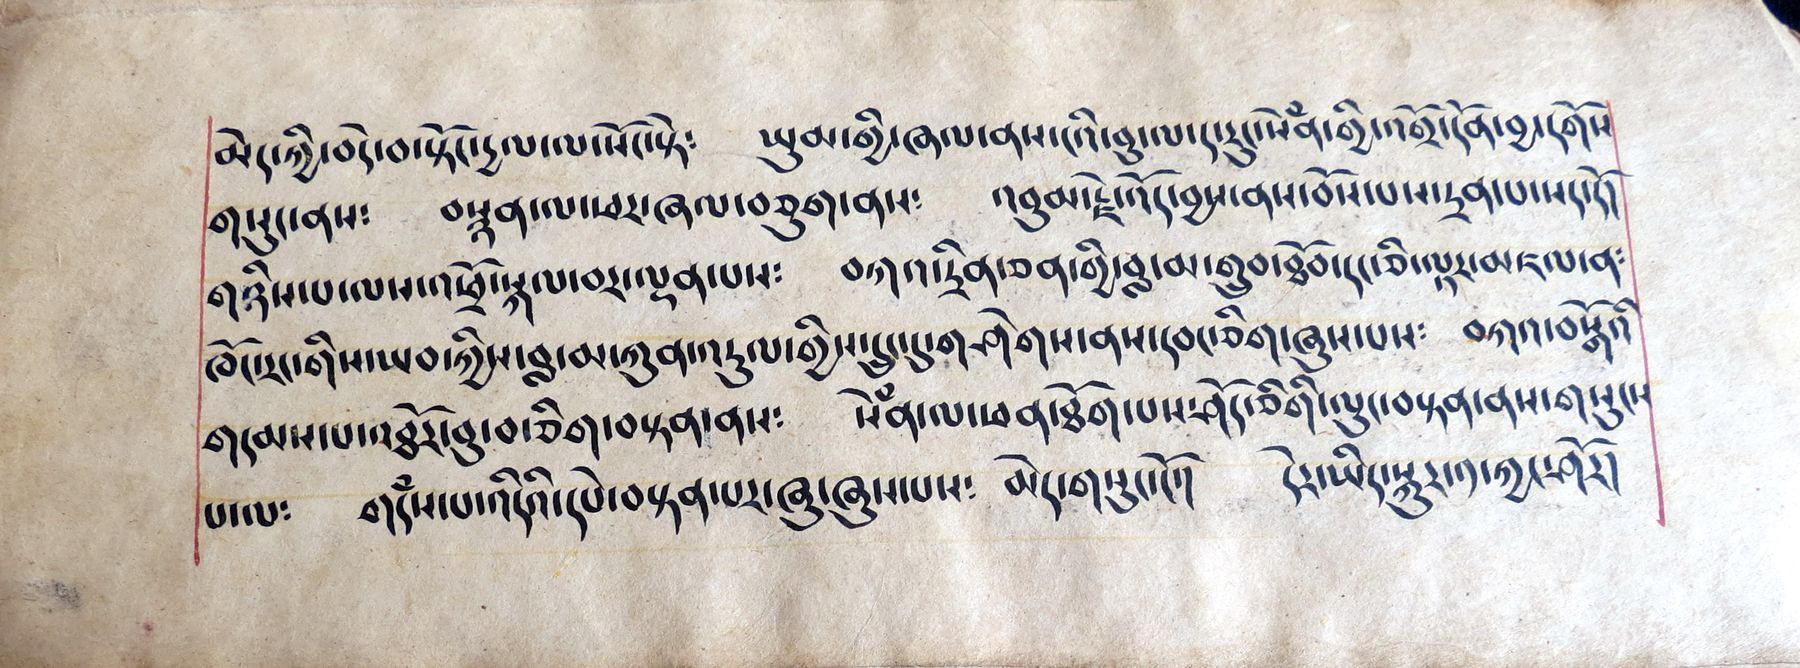མེད་ཀྱི་བདེ་བ་སྟོང་རྒྱལ་ལ་སོང་སྟེ། ཡུམ་གྱིས་ཞལ་ནས་ང་ཡི་བུ་ལ་ད་དུང་སེམས་ཅན་གྱི་འགྲོ་དོན་བྱ་དགོས་
གསུངས་ནས། སྙན་ལ་ཕར་ཞལ་བཅུག་ནས། འབུམ་རྗེ་འོད་བྱས་ནས་བོས་པས་དྲན་པ་སད་དོ། །
གཉིས་པ་ལས་འཕྲོ་སྐལ་པར་ལྡན་པས། བཀའ་དྲིན་ཅན་གྱི་བླ་མ་གྲུབ་ཐོབ་དང་ཅི་ལྟར་མཇལ་ན། 
ཁོང་རང་གི་ཡབ་ཀྱི་བླ་མ་ཀུན་འདུལ་གྱི་དྲུང་དུ་བྱོན་ནས། དབང་ཞིག་ཞུས་པས། བཀའ་སྒོའི་
གདམས་པ་འཐོར་བུ་བ་ཞིག་བསྟན་ནས། སེམས་ཅན་ལ་ཕན་ཐོགས་པས་ཤོད་ཅིག་གིས་ལུང་བསྟན་ནས་གསུངས་
པ་ལ། གདམས་པ་འདིའི་དཔེ་བསྟན་པར་ཞུ་ཞུས་པས་མེད་གསུང་ངོ་། །དེར་ཡིད་སྐུར་ཞིག་ཀྱང་ཤོར།